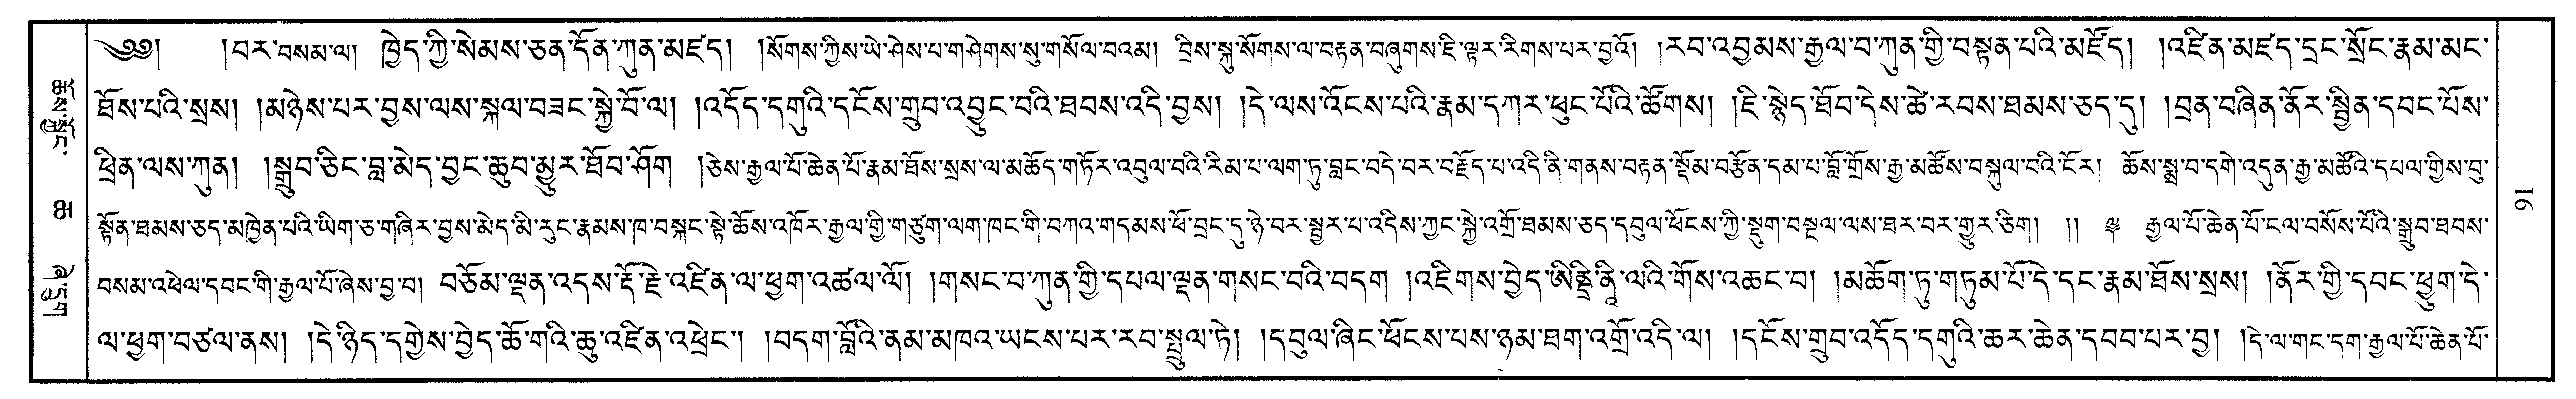༄༅། །བར་བསམ་ལ། ཁྱེད་ཀྱི་སེམས་ཅན་དོན་ཀུན་མཛད། །སོགས་ཀྱིས་ཡེ་ཤེས་པ་གཤེགས་སུ་གསོལ་བའམ། བྲིས་སྐུ་སོགས་ལ་བརྟན་བཞུགས་ཇི་ལྟར་རིགས་པར་བྱའོ། །རབ་འབྱམས་རྒྱལ་བ་ཀུན་གྱི་བསྟན་པའི་མཛོད། །འཛིན་མཛད་དྲང་སྲོང་རྣམ་མང་
ཐོས་པའི་སྲས། །མཉེས་པར་བྱས་ལས་སྐལ་བཟང་སྐྱེ་བོ་ལ། །འདོད་དགུའི་དངོས་གྲུབ་འབྱུང་བའི་ཐབས་འདི་བྱས། །དེ་ལས་འོངས་པའི་རྣམ་དཀར་ཕུང་པོའི་ཚོགས། །ཇི་སྙེད་ཐོབ་དེས་ཚེ་རབས་ཐམས་ཅད་དུ། །བྲན་བཞིན་ནོར་སྦྱིན་དབང་པོས་
ཕྲིན་ལས་ཀུན། །སྒྲུབ་ཅིང་བླ་མེད་བྱང་ཆུབ་མྱུར་ཐོབ་ཤོག །ཅེས་རྒྱལ་པོ་ཆེན་པོ་རྣམ་ཐོས་སྲས་ལ་མཆོད་གཏོར་འབུལ་བའི་རིམ་པ་ལག་ཏུ་བླང་བདེ་བར་བརྗོད་པ་འདི་ནི་གནས་བརྟན་སྡོམ་བརྩོན་དམ་པ་བློ་གྲོས་རྒྱ་མཚོས་བསྐུལ་བའི་ངོར། ཆོས་སྨྲ་བ་དགེ་འདུན་རྒྱ་མཚོའི་དཔལ་གྱིས་བུ་
སྟོན་ཐམས་ཅད་མཁྱེན་པའི་ཡིག་ཅ་གཞིར་བྱས་མེད་མི་རུང་རྣམས་ཁ་བསྐང་སྟེ་ཆོས་འཁོར་རྒྱལ་གྱི་གཙུག་ལག་ཁང་གི་བཀའ་གདམས་ཕོ་བྲང་དུ་ཉེ་བར་སྦྱར་བ་འདིས་ཀྱང་སྐྱེ་འགྲོ་ཐམས་ཅད་དབུལ་ཕོངས་ཀྱི་སྡུག་བསྔལ་ལས་ཐར་བར་གྱུར་ཅིག། །། ༈ རྒྱལ་པོ་ཆེན་པོ་ངལ་བསོས་པོའི་སྒྲུབ་ཐབས་
བསམ་འཕེལ་དབང་གི་རྒྱལ་པོ་ཞེས་བྱ་བ། བཅོམ་ལྡན་འདས་རྡོ་རྗེ་འཛིན་ལ་ཕྱག་འཚལ་ལོ། །གསང་བ་ཀུན་གྱི་དཔལ་ལྡན་གསང་བའི་བདག །འཇིགས་བྱེད་ཨིནྡྲི་ནཱི་ལའི་གོས་འཆང་བ། །མཆོག་ཏུ་གཏུམ་པོ་དེ་དང་རྣམ་ཐོས་སྲས། །ནོར་གྱི་དབང་ཕྱུག་དེ་
ལ་ཕྱག་འཚལ་ནས། །དེ་ཉིད་དགྱེས་བྱེད་ཆོ་གའི་ཆུ་འཛིན་འཕྲེང་། །བདག་བློའི་ནམ་མཁའ་ཡངས་པར་རབ་སྤྲུལ་ཏེ། །དབུལ་ཞིང་ཕོངས་པས་ཉམ་ཐག་འགྲོ་འདི་ལ། །དངོས་གྲུབ་འདོད་དགུའི་ཆར་ཆེན་དབབ་པར་བྱ། །དེ་ལ་གང་དག་རྒྱལ་པོ་ཆེན་པོ་